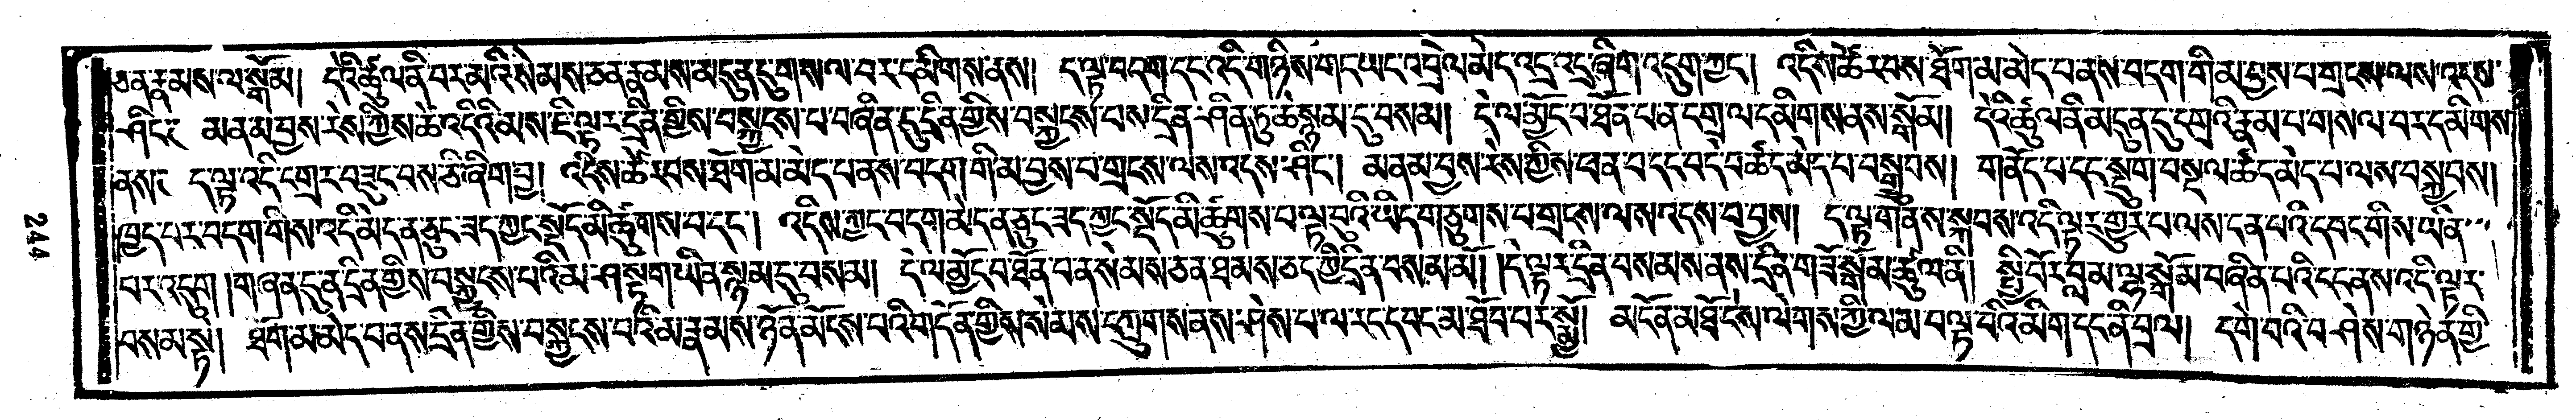ཅན་རྣམས་ལ་སྒོམ། དེའི་ཚུལ་ནི་བར་མའི་སེམས་ཅན་རྣམས་མདུན་དུ་གསལ་བར་དམིགས་ནས། ད་ལྟ་བདག་དང་འདི་གཉིས་གང་ཡང་འབྲེལ་མེད་འདྲ་འདྲ་ཞིག་འདུག་ཀྱང་། འདིས་ཚེ་རབས་ཐོག་མ་མེད་པ་ནས་བདག་གི་མ་བྱས་པ་གྲངས་ལས་འདས་
ཤིང༑ མན་མ་བྱས་རེས་ཀྱིས་ཚེ་འདིའི་མས་ཇི་ལྟར་དྲིན་གྱིས་བསྐྱངས་པ་བཞིན་དུ་དྲི་ན་གྱིས་བསྐྱངས་པས་དྲིན་ཤིན་ཏུ་ཆེ་སྙམ་དུ་བསམ། དེ་ལ་མྱོང་པ་ཐོན་པ་ན་དགྲ་ལ་དམིགས་ནས་སྒོམ། དེའི་ཚུལ་ནི་མདུན་དུ་དགྲའི་རྣམ་པ་གསལ་བར་དམིགས་
ནས༑ ད་ལྟ་འདི་དགྲར་བཟུང་བས་ཅི་ཞིག་བྱ། འདིས་ཚེ་རབས་ཐོག་མ་མེད་པ་ནས་བདག་གི་མ་བྱས་པ་གྲངས་ལས་འདས་ཤིང་། མ་ནམ་བྱས་རེས་ཀྱིས་ཕན་པ་དང་བདེ་བ་ཚད་མེད་པ་བསྒྲུབས། གནོད་པ་དང་སྡུག་བསྔལ་ཚད་མེད་པ་ལས་བསྐྱབས།
ཁྱད་པར་བདག་གིས་འདི་མེད་ན་ཅུང་ཟད་ཀྱང་སྡོད་མི་ཚུགས་པ་དང་། འདིས་ཀྱང་བདག་མེད་ན་ཅུང་ཟད་ཀྱང་སྡོད་མི་ཚུགས་པ་ལྟ་བུའི་ཡིད་གཅུགས་པ་གྲངས་ལས་འདས་བ་བྱས། ད་ལྟ་གནས་སྐབས་འདི་ལྟར་གྱུར་པ་ལས་ངན་པའི་དབང་གིས་ཡིན་
པར་འདུག །གཞན་དུ་ན་དྲིན་གྱིས་བསྐྱངས་པའི་མ་ཤ་སྟག་ཡིན་སྙམ་དུ་བསམ། དེ་ལ་མྱོང་བ་ཐོན་པ་ན་སེམས་ཅན་ཐམས་ཅད་ཀྱི་དྲིན་བསམ་མོ། །དེ་ལྟར་དྲིན་བསམས་ནས་དྲིན་གཟོ་སྒོམ་ཚུལ་ནི། སྤྱི་བོར་བླ་མ་ལྷ་སྒོམ་བཞིན་པའི་ངང་ནས་འདི་ལྟར་
བསམ་སྟེ། ཐོག་མ་མེད་པ་ནས་དྲིན་གྱིས་བསྐྱངས་པའི་མ་རྣམས་ཉོན་མོངས་པའི་གདོན་གྱིས་སེམས་དཀྲུགས་ནས་ཤེས་པ་ལ་རང་དབང་མ་ཐོབ་པར་སྨྱོ། མངོན་མཐོ་ངེས་ལེགས་ཀྱི་ལམ་བལྟ་བའི་མིག་དང་ནི་བྲལ། དགེ་བའི་བཤེས་གཉེན་གྱི་